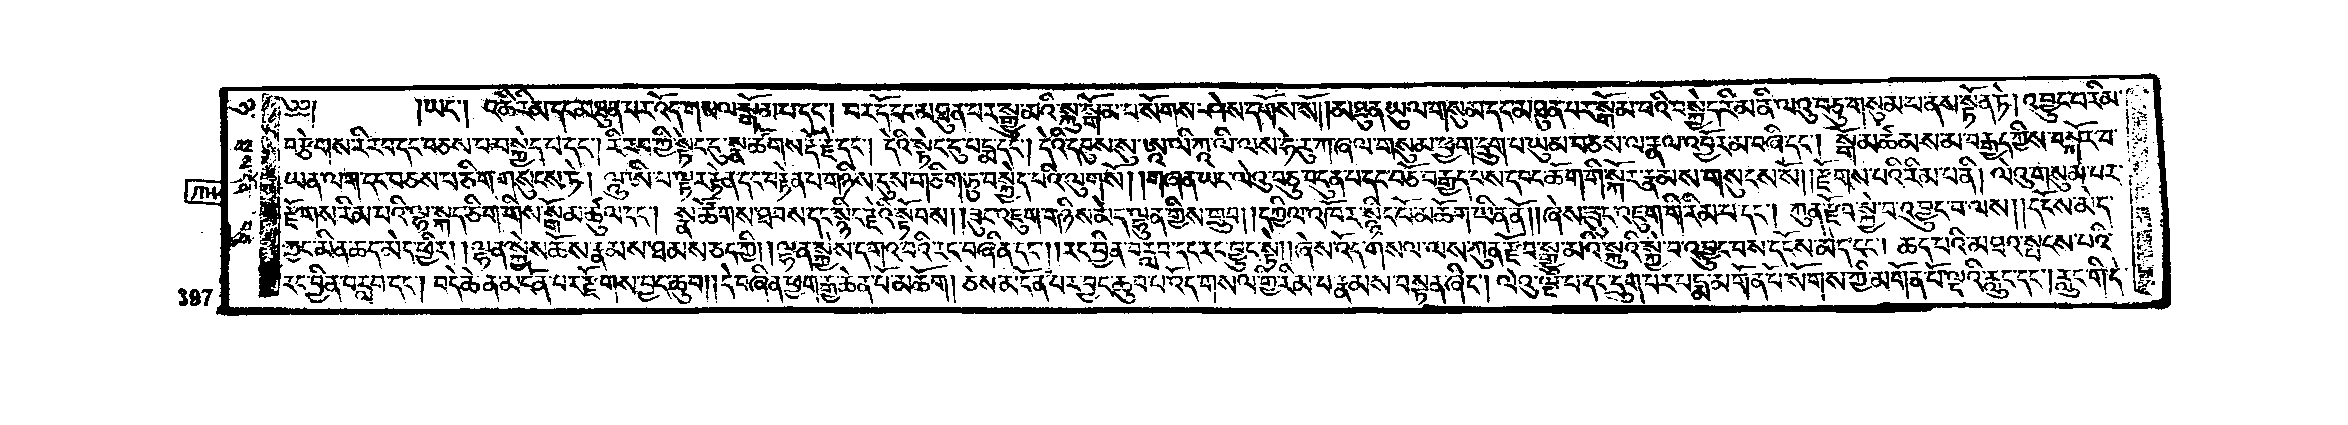༄༅། །ཡང་། འཆི་རིམ་དང་མཐུན་པར་འོད་གསལ་སྒོམ་པ་དང་། བར་དོ་དང་མཐུན་པར་སྒྱུ་མའི་སྐུ་སྒོམ་པ་སོགས་ཤེས་དགོས་སོ། །མཐུན་ཡུལ་གསུམ་དང་མཐུན་པར་སྒོམ་པའི་བསྐྱེད་རིམ་ནི་ལེའུ་བཅུ་གསུམ་པ་ནས་སྟོན་ཏེ། འབྱུང་བ་རིམ་
བརྩེགས་རི་རབ་དང་བཅས་པ་བསྐྱེད་པ་དང་། རི་རབ་ཀྱི་སྟེང་དུ་སྣ་ཚོགས་རྡོ་རྗེ་དང་། དེའི་སྟེང་དུ་པདམ་དང་། དེའི་དབུས་སུ་ཨཱ་ལི་ཀཱ་ལི་ལས་ཧེ་རུ་ཀ་ཞལ་གསུམ་ཕྱག་དྲུག་པ་ཡུམ་བཅས་ལ་རྣལ་འབྱོར་མ་བཞི་དང་། སྒོ་མཚམས་མ་བརྒྱད་ཀྱིས་བསྐོར་བ་
ཡན་ལག་དང་བཅས་པ་ཅིག་གསུངས་ཏེ། ལཱུ་ཨི་པ་ལྟར་རྟེན་དང་བརྟེན་པ་གཉིས་དུས་གཅིག་ཏུ་བསྐྱེད་པའི་ལུགས་སོ། །གཞན་ཡང་ལེའུ་བཅུ་བདུན་པ་དང་བཅོ་བརྒྱད་པས་དབང་ཆོག་གི་སྐོར་རྣམས་གསུངས་སོ། །རྫོགས་པའི་རིམ་པ་ནི། ལེའུ་གསུམ་པར་
རྫོགས་རིམ་པའི་ལྷ་སྐད་ཅིག་གིས་སྒོམ་ཚུལ་དང་། སྣ་ཚོགས་ཐབས་དང་སྙིང་རྗེའི་སྟོབས། །ཟུང་འཇུག་གཉིས་མེད་ལྷུན་གྱིས་གྲུབ། །དཀྱིལ་འཁོར་སྙིང་པོ་མཆོག་ཡིན་ནོ། །ཞེས་ཟུང་འཇུག་གི་རིམ་པ་དང་། ཀུན་རྫོབ་སྐྱེ་བ་འབྱུང་བ་ལས། །དངོས་མེད་
ཀྱང་མིན་ཆད་མེད་ཕྱིར། །ལྷན་སྐྱེས་ཆོས་རྣམས་ཐམས་ཅད་ཀྱི། །ལྷན་སྐྱེས་དགའ་བའི་རང་བཞིན་དང་། །རང་བྱིན་བརླབ་དང་རང་བྱུང་སྟེ། །ཞེས་འོད་གསལ་ལས་ཀུན་རྫོབ་སྒྱུ་མའི་སྐུའི་སྐྱེ་བ་འབྱུང་བས་དངོས་མེད་དང་། ཆད་པའི་མཐའ་སྤངས་པའི་
རང་བྱིན་བརླབ་དང་། བདེ་ཆེན་མངོན་པར་རྫོགས་བྱང་ཆུབ། །དེ་བཞིན་ཕྱག་རྒྱ་ཆེན་པོ་མཆོག །ཅེས་མངོན་པར་བྱང་ཆུབ་པ་འོད་གསལ་གྱི་རིམ་པ་རྣམས་བསྟན་ཞིང་། ལེའུ་ལྔ་པ་དང་དྲུག་པར་པདམ་མགོན་པོ་སོགས་ཀྱི་མགོན་པོ་ལྔའི་རླུང་དང་། རླུང་གི་དེ་